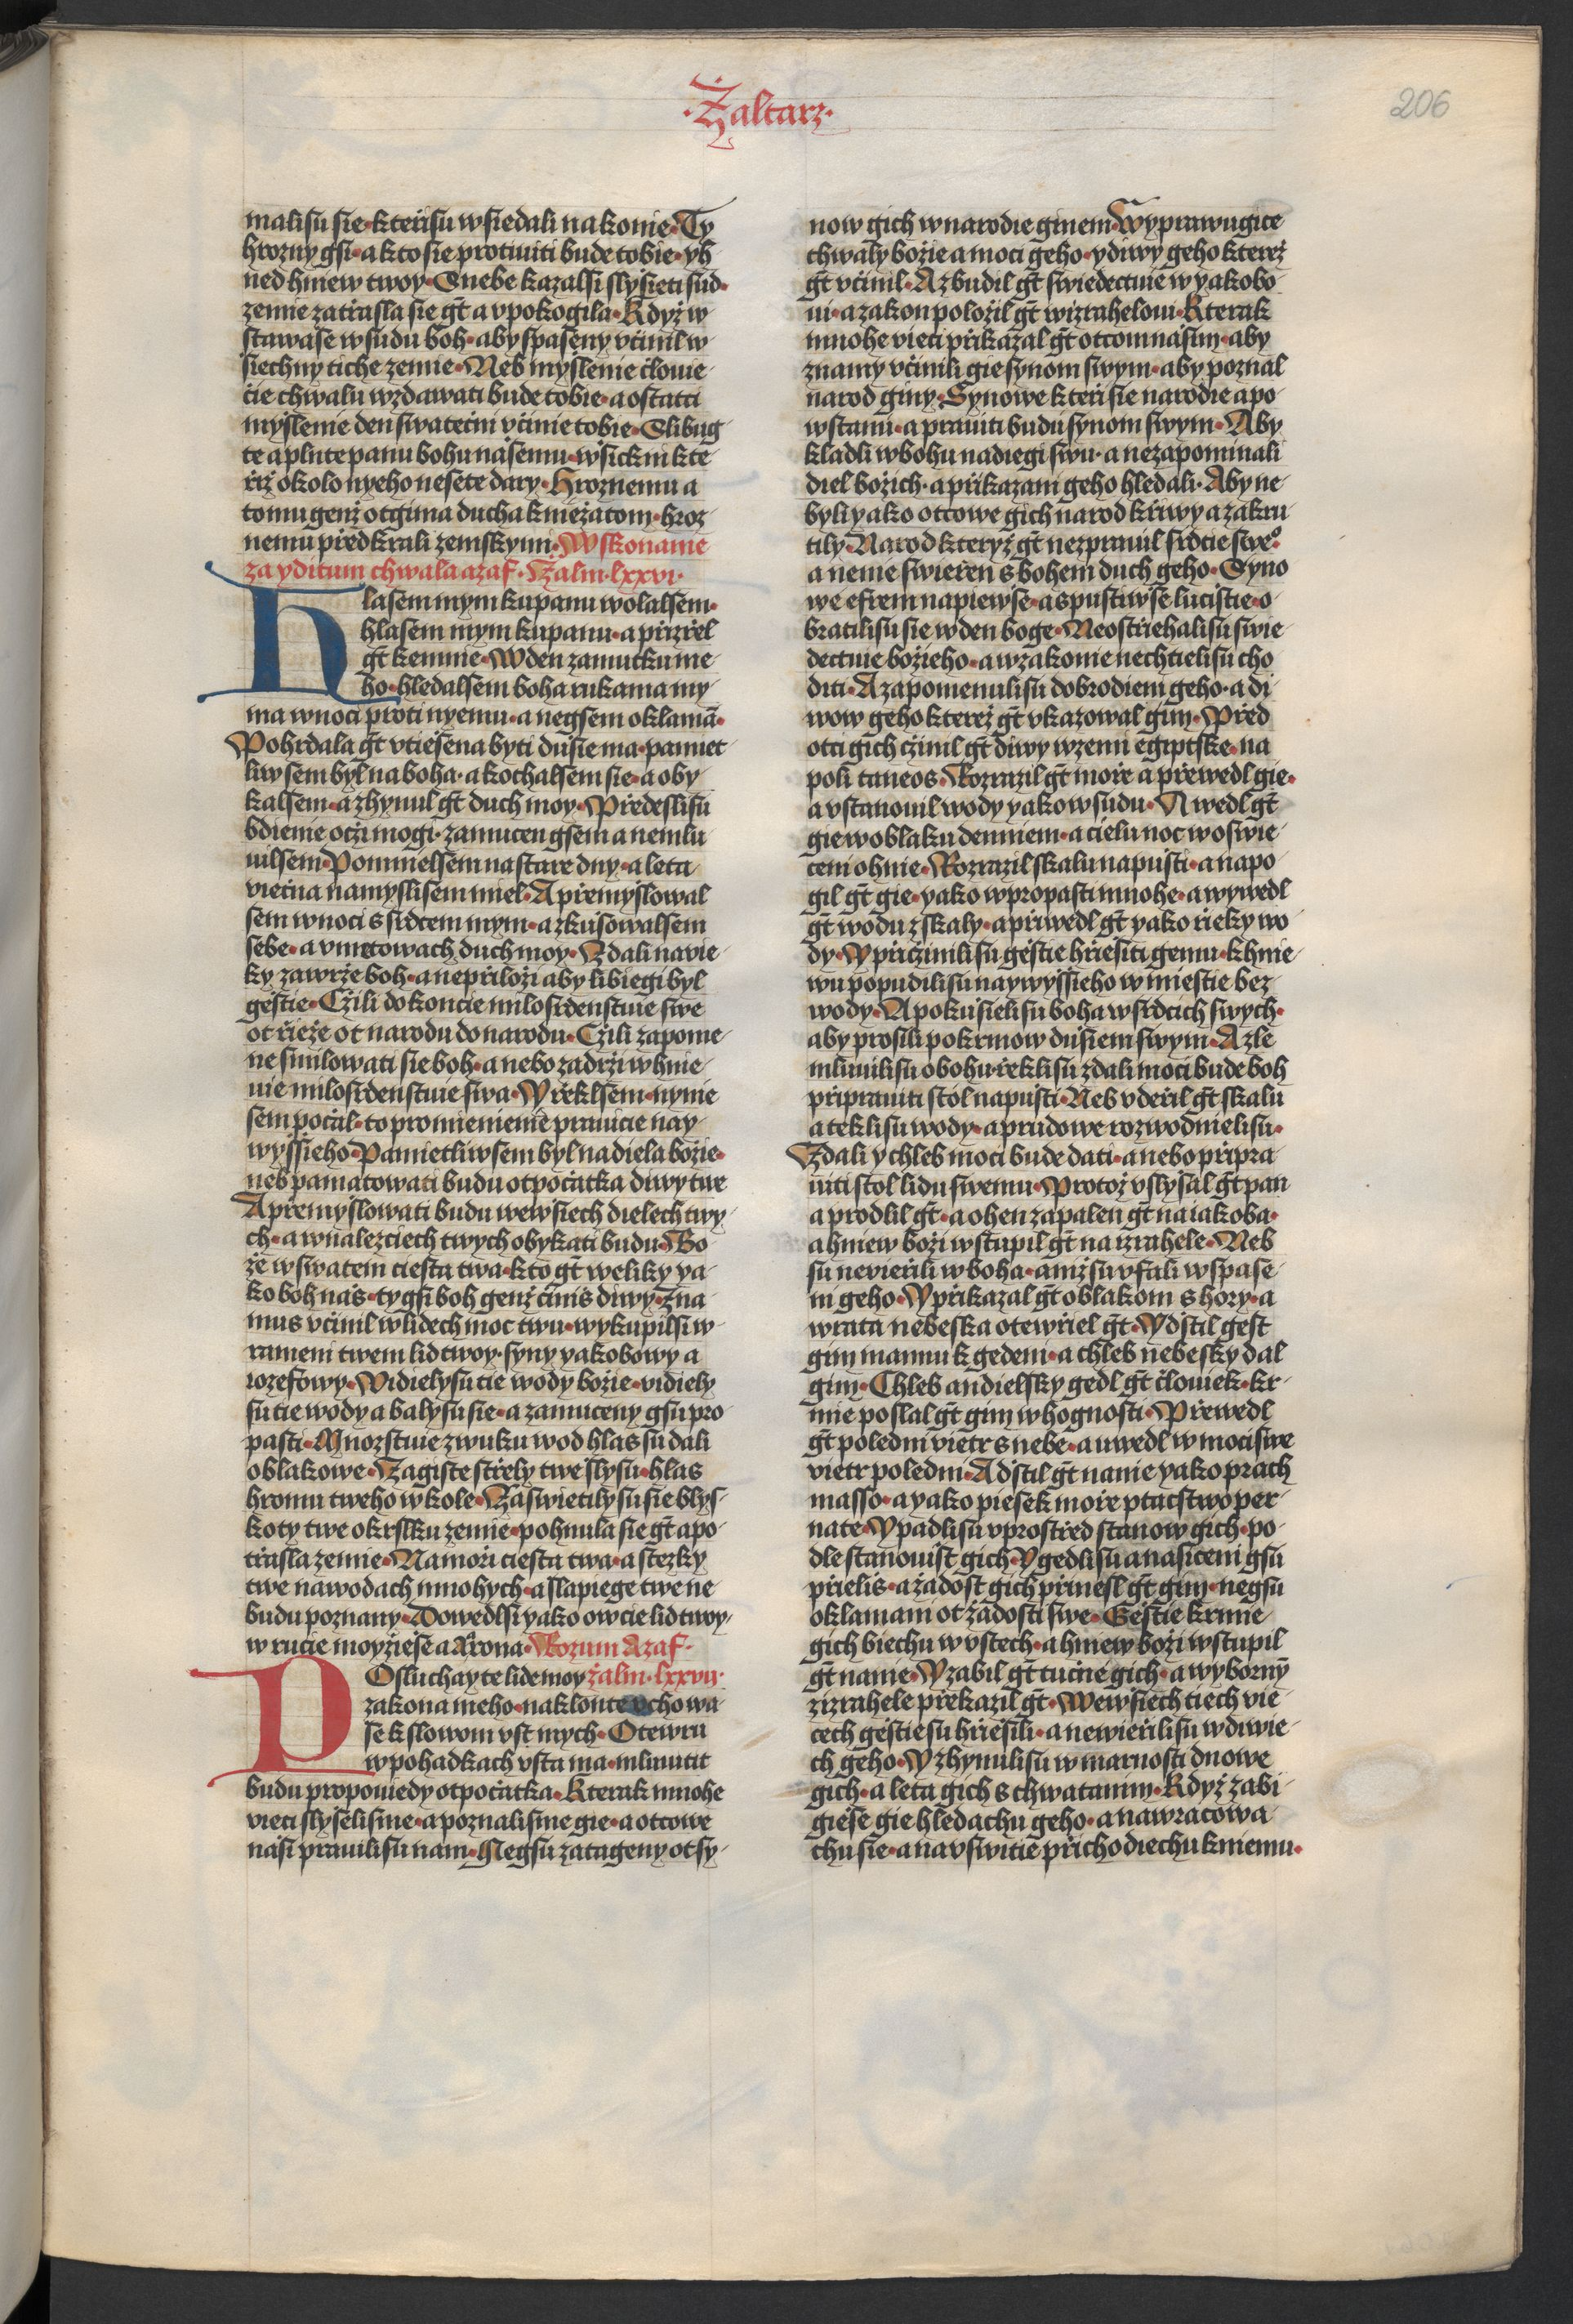.Żaltarz.
maliſu ſie.kteṙiſu wſiedali na konie.Ty
hrozny gſi.a kto ſie protiuiti bude tobie.yh¬
ned hniew twoy.Snebe kazalſi ſlyẛieti ſud.
zemie zatṙaſla ſie ḡt a vpokogila.Kdyż w¬
ſtawaẛe wſudu boh.Aby ſpaſeny vċinil w¬
ẛiechny tiche zemie.Neb myẛleníe ċlouie¬
ċíe chwalu wzdawati bude tobie.aoſtatci
myẛlenie den ſwateċni vċinie tobie.Slibug¬
te a plnte panu bohu naẛemu.wẛickni kte¬
ṙiž okolo nyeho neſete dary.Hroznemu a
tomu genż otgima ducha knieżatom.hroz¬
nemu pṙedkrali zemſkymi.Wſkonanie
za yditum chwala azaf.Żalm.lxxvi.
laſem mym kupanu wolalſem
hlaſem mym kupanu.a pṙizṙel
ḡt kemnie.Wden zamutku me¬
ho.hledalſem boha rukama my¬
ma wnoci proti nyemu.a negſem oklamā.
Pohrdala ḡt utieẛena byti duẛie ma.pamiet¬
liw ſem byl na boha.a kochalſem ſie.a oby¬
kalſem.a zhynul ḡt duch moy.Pṙedeſliſu
bdienie ocżi mogi.zamucen gſem a nemlu¬
uilſem.Pomnielſem naſtare dny.a leta
vieċna namyſliſem miel.A pṙemyẛlowal
ſem wnoci sſrdcem mym.a zkuẛowalſem
ſebe.a vmrtowach duch moy.Zdali navie
ky zawrže boh.a nepṙilożí aby libiegí byl
geẛtie.Cżili do koncie miloſrdenſtuie ſwe
otṙieże ot narodu do narodu.Cżili zapome¬
ne ſmilowati ſie boh.a nebo zadrżi whnie¬
uie miloſrdenſtuie ſwa.Yṙeklſem.nynie
ſem poċal.to promienienie prauicie nay¬
wyẛẛieho.Pamietliwſem byl na diela bożie.
neb pamatowati budu otpoċatka diwy tue
A pṙemyẛlowati budu wewẛiech dielech twy¬
ch.a wnalezciech twych obykati budu.Bo¬
że wſwatem cieſta twa.kto ḡt weliky ya¬
ko boh naṡ.ty gſi boh genż ċiniṡ diwy.Zna¬
mus vċinil wlidech moc twu.wykupilſi w¬
rameni twem lid twoy.ſyny yakobowy a
iozefowy.Vidielyſu tie wody bożie.vidiely
ſu tie wody a baly ſu ſie.a zamuceny gſu pro¬
paſti.Mnozſtuíe zwuku wod hlas ſu dali
oblakowe.Zagiſte ſtṙely twe ẛlyſu.hlas
hromu tweho wkole.Zaſwietily ſu ſie blyſ¬
koty twe okrſlku zemie.pohnula ſie ḡt apo¬
tṙaſla zemie.Namoṙi cieſta twa.a ſtezky
twe nawodach mnohych.a ẛlapiege twe ne¬
budu poznany.Dowedlſi yako owcie lidtwy
w rucie moyżieẛe a Aarona.Rozum Azaf.
Oſluchayte lide moy żalm.lxxvii.
zakona meho.naklonte vcho wa¬
ẛe k ſlowu vſt mych.Otewru
wpohadkach vſta ma.mluuitit
budu propouiedy otpoċatka.Kterak mnohe
vieci ſlyẛeliſme.a poznaliſme gie.a otcowe
naẛi prauiliſu nam.Negſu zatageny otſy¬
now gich wnarodie ginem.Wyprawugice
chwaly bożie a moci geho.ydiwy geho ktereż
ḡt vċinil.A zbudil ḡt ſwiedectuíe w yakobo¬
ui.azakon polożil ḡt wizraheloui.Kterak
mnohe vieci pṙikazal ḡt otcom naẛim.aby
znamy vċinili gie ſynom ſwym.aby poznal
narod giny.Synowe kteṙi ſie narodie a po¬
wſtanú.a prauiti budu ſynom ſwym.Aby¬
kladli wbohu nadiegi ſwu.a nezapominali
diel bożích.a pṙikazani geho hledali.Aby ne¬
byli yako otcowe gich narod kṙiwy a zakru¬
tily.Narod kteryż ḡt nezprauil ſrdcie ſweo
a nenie ſwieṙen s bohem duch geho.Syno¬
wé efrem napiewẛe.a spuſtiwẛe luciẛtie.o¬
bratiliſu ſie wden boge.Neoſtṙiehaliſu ſwie¬
dectuie bożíeho.a wzakonie nechtieliſu cho¬
diti.A zapomenuliſu dobrodieni geho.a di¬
wow geho ktereż ḡt okazowal gim.Pṙed
otci gich cżinil ḡt diwy wzemi egiptſke.na
poli taneos.Rozrazil ḡt moṙe a pṙewedl gíe.
a vſtanouil wody yakowſudu.A wedl ḡt
gie woblaku denniem.a cielu noc woſwie¬
cení ohnie.Rozrazil ſkalu na puẛti.a napo¬
gil ḡt gie.yako wpropaſti mnohe.awywedl
ḡt wodu zſkaly.apṙiwedl ḡt yako ṙieky wo¬
dy.Y pṙicżinil ſu geẛtie hṙieſiti gemu.khnie¬
wu popudiliſu naywyẛẛieho w mieſtie bez¬
wody.A pokuẛieliſu boha wſrdcich ſwych.
aby proſili pokrmow duẛiem ſwym.A zle
mluuiliſu obohu ṙekliſu zdali moci bude boh
pṙiprauiti ſtól napuẛti.Neb vdeṙil ḡt ſkalu
a tekliſu wody.a prudowe rozwodnieliſu.
Zdali y chleb moci bude dati.anebo pṙipra¬
uiti ſtol lidu ſwemu.Protoż vſlyẛal ḡt pan
a prodlil ḡt.a ohen zapalen ḡt iak oba.
a hniew bożí wſtupil ḡt na izrahele.Neb
ſu nevieṙili wboha.aniż ſu vfali wſpaſe¬
ni geho.Ypṙikazal ḡt oblakom s hory.a
wrata nebeſka otewṙiel ḡt.Ydẛtil geſt
gim mannu k gedení.a chleb nebeſky dal
gim.Chleb andielſky gedl ḡt ċlouíek.kr¬
mie poſlal ḡt gim whognoſti.Pṙewedl
ḡt poledni vietr s nebe.a uwedl w mociſwe
vietr poledni.Adẛtil ḡt nanie yako prach
maſſo.a yako píeſek moṙe ptacſtwo per¬
nate.Ypadliſu vproſtṙed ſtanow gich.po¬
dle ſtanouiẛt gich.Ygedliſu a naſiceni gſú
pṙieliṡ.na żadoſt gich pṙineſl ḡt gim.negſu
oklamani ot żadoſti ſwe.Geẛtie krmie
gích biechu w vſtech.a hniew bożí wſtupil
ḡt nanie. Y zabil ḡt tuċné gich.a wybornӯ
z izrahele pṙekazil ḡt.Wewẛiech tiech vie¬
cech geẛtieſu hṙieẛili.a newieṙili ſu wdiwie¬
ch geho.Yzhynuliſu w marnoſti dnowe
gich.a leta gich s chwataním.Kdyż zabi¬
gieẛe gie hledachu geho.a nawracowa¬
chu ſie.a navſwitie pṙíchodiechu kníemu.